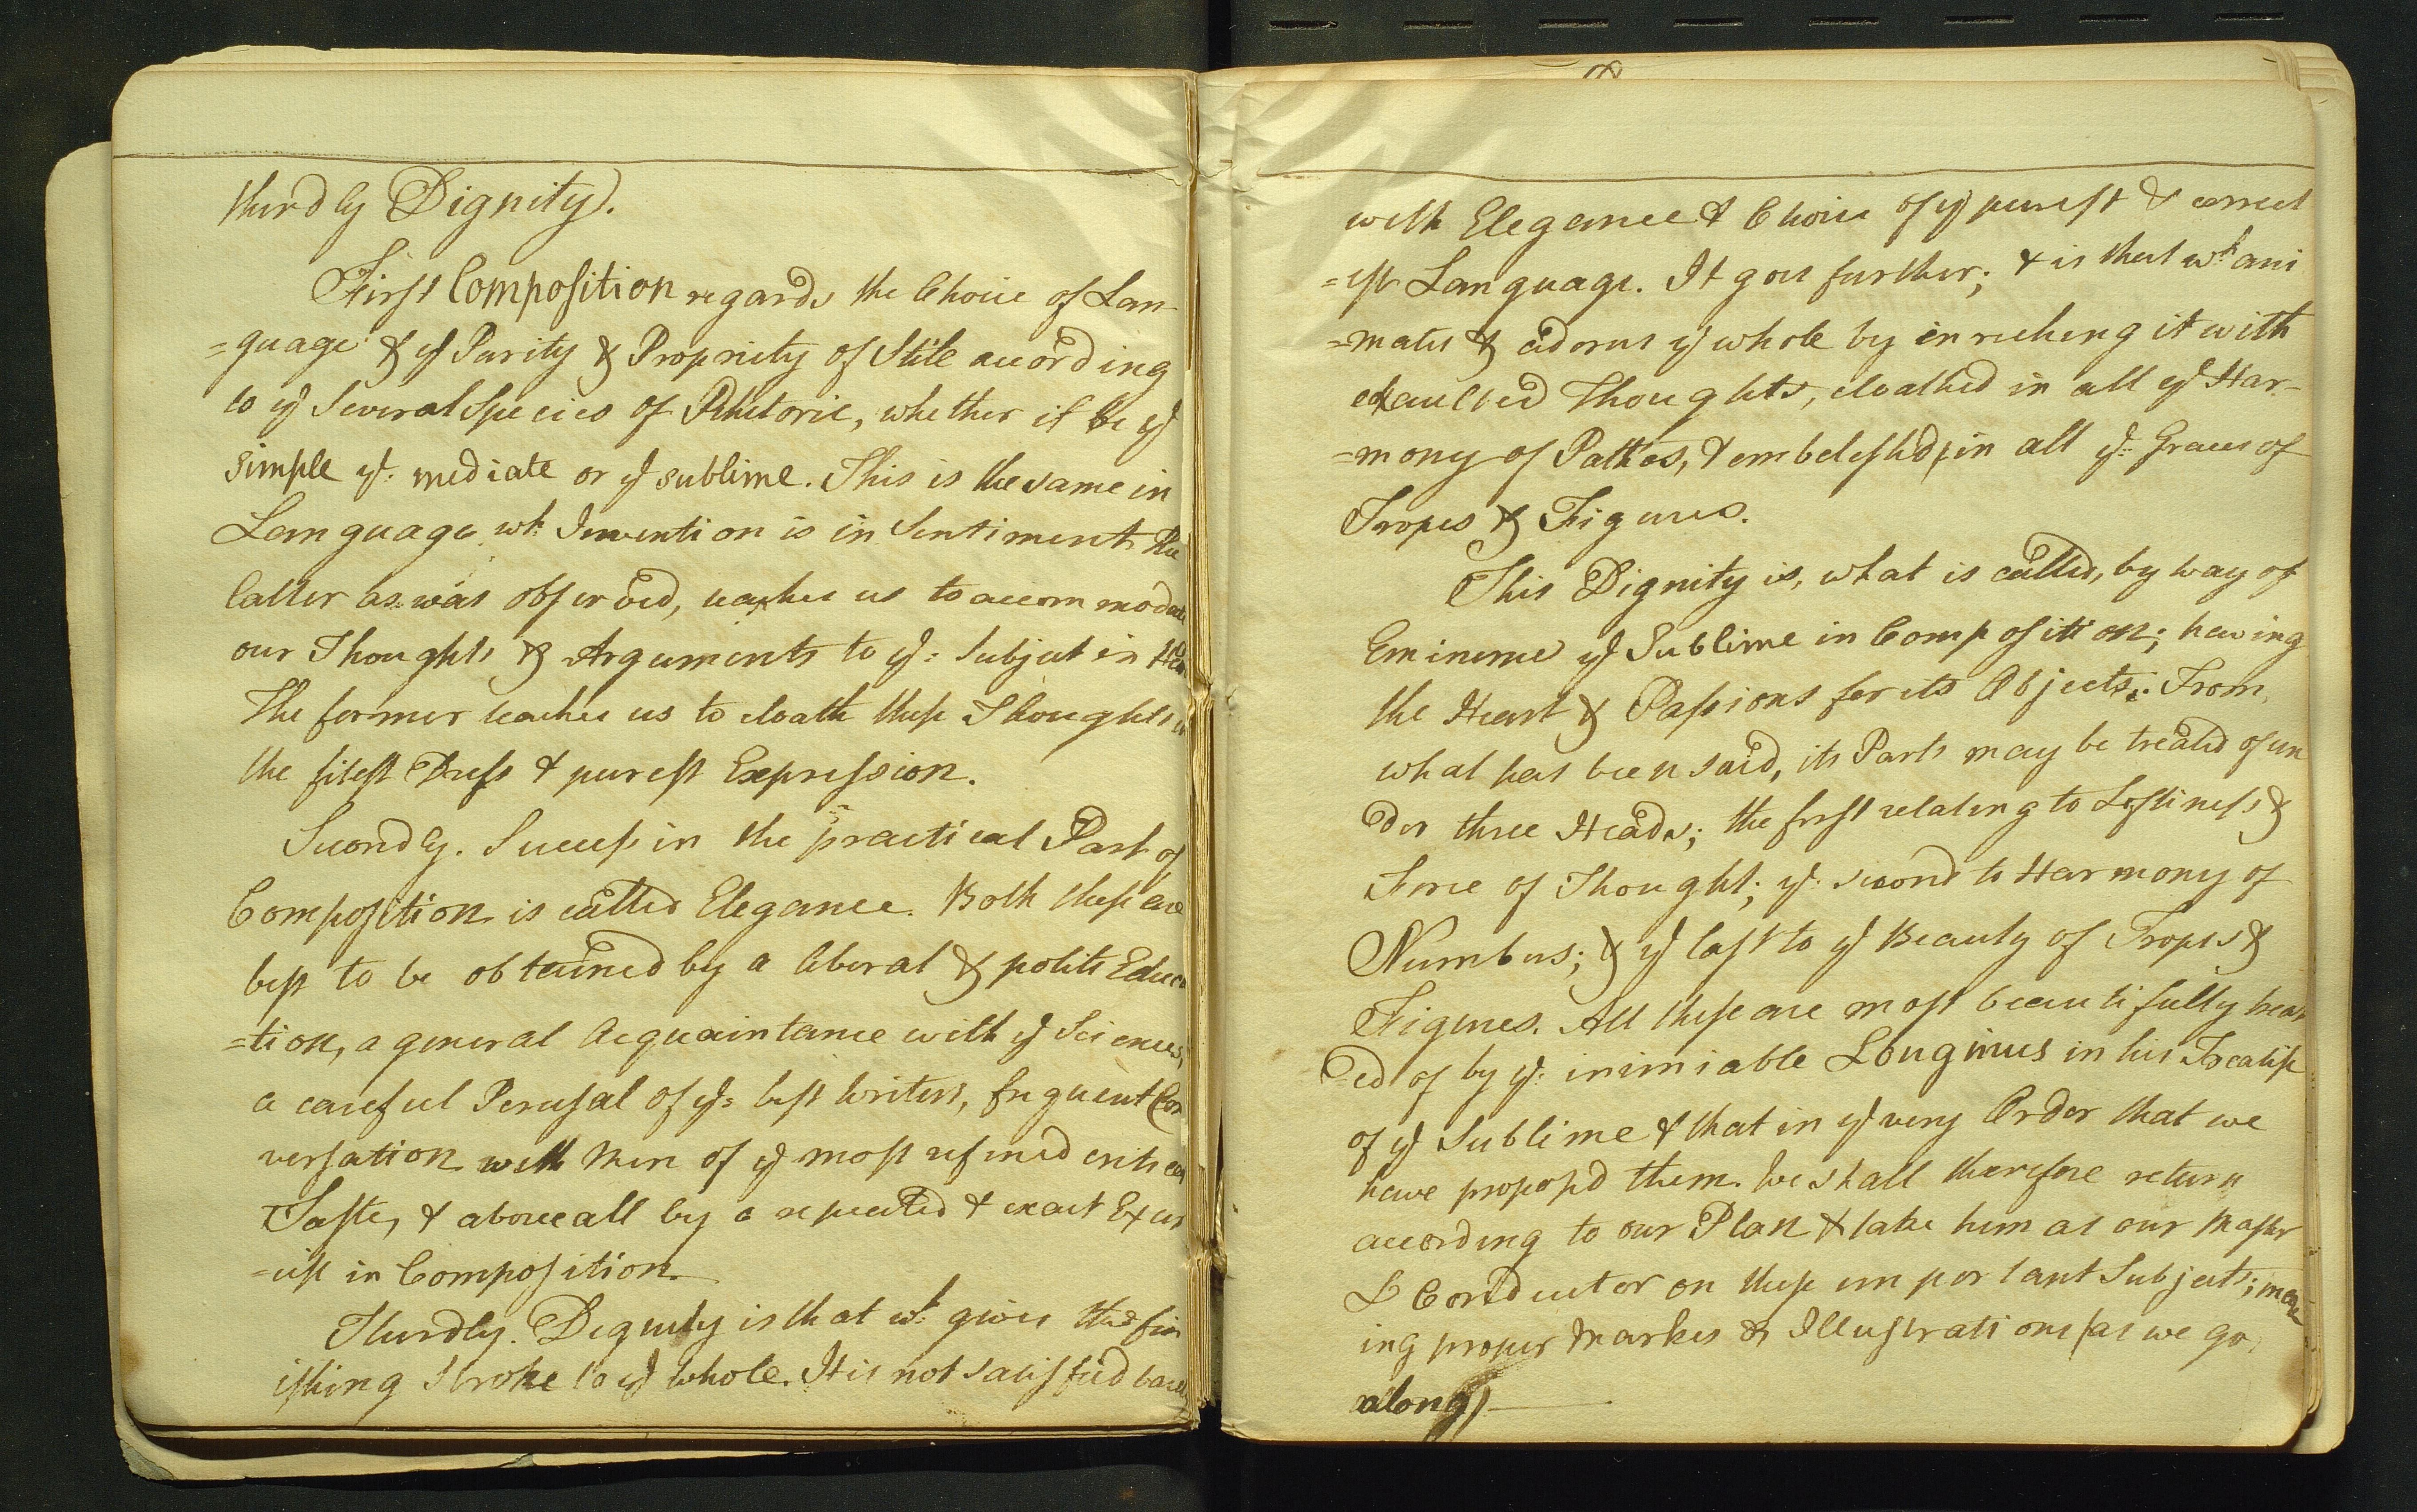thirdly Dignity.
First Composition regards the Choice of Lan-
-guage & of Purity & Propriety of Stile according
to y^e Several Species of Rhetoric, whether it be y^e
simple y^e mediate or y^e sublime. This is the same in
Language w^h Invention is in Sentiment. The
latter as was observed, teaches us to accommodate
our Thoughts & Arguments to y^e: Subject in Hand
The Former teaches us to cloathe these Thoughts
the fitest Dress & purest Expression.
Secondly. Success in the practical Part of
Composition is called Elegance. Both these are
best to be obtained by a liberal & polite Educa
-tion, a general Acquaintance with y^e Sciences,
a careful Perusal of y^e best writers, frequent Con
versation with Men of y^e most refined entre
Tastes & above all by a repeated & exact Excer
-cise in Composition.
Thirdly. Dignity is that w^h: gives that fin
ishing stroke to ye whole. It is not satisfied bard
with Elegance & Choice of y^e purest & correct
-est Language. It goes further; & is that w^h ani
-mates & adorns y^e whole by enriching it with
educated Thoughts, cloathed in all y^e Har-
-mony of Pathos, & embelesh'd, in all y^e Graces of
Tropes & Figures.
This Dignity is, what is called, by way of
Eminence y^e Sublime in Composition; hewing
the Heart & Passions for its Objects. From,
what has been said, its Parts may be treated often
der three Heads; the first relating to Loftiness &
Fire of Thought; y^e: second to Harmony of
Numbers; & y^e last to y^e Beauty of Tropes &
Figures. All these are most beautifully hear
-ed of by y^e inimiable Longinus in his Treatise
of y^e Sublime & that in y^e very Order that we
have proposed them. We shall therefore return
according to our Plan & take him as our Master
& Conductor on these important Subjects; mak
-ing proper Markes & Illustrations (as we go
along)-